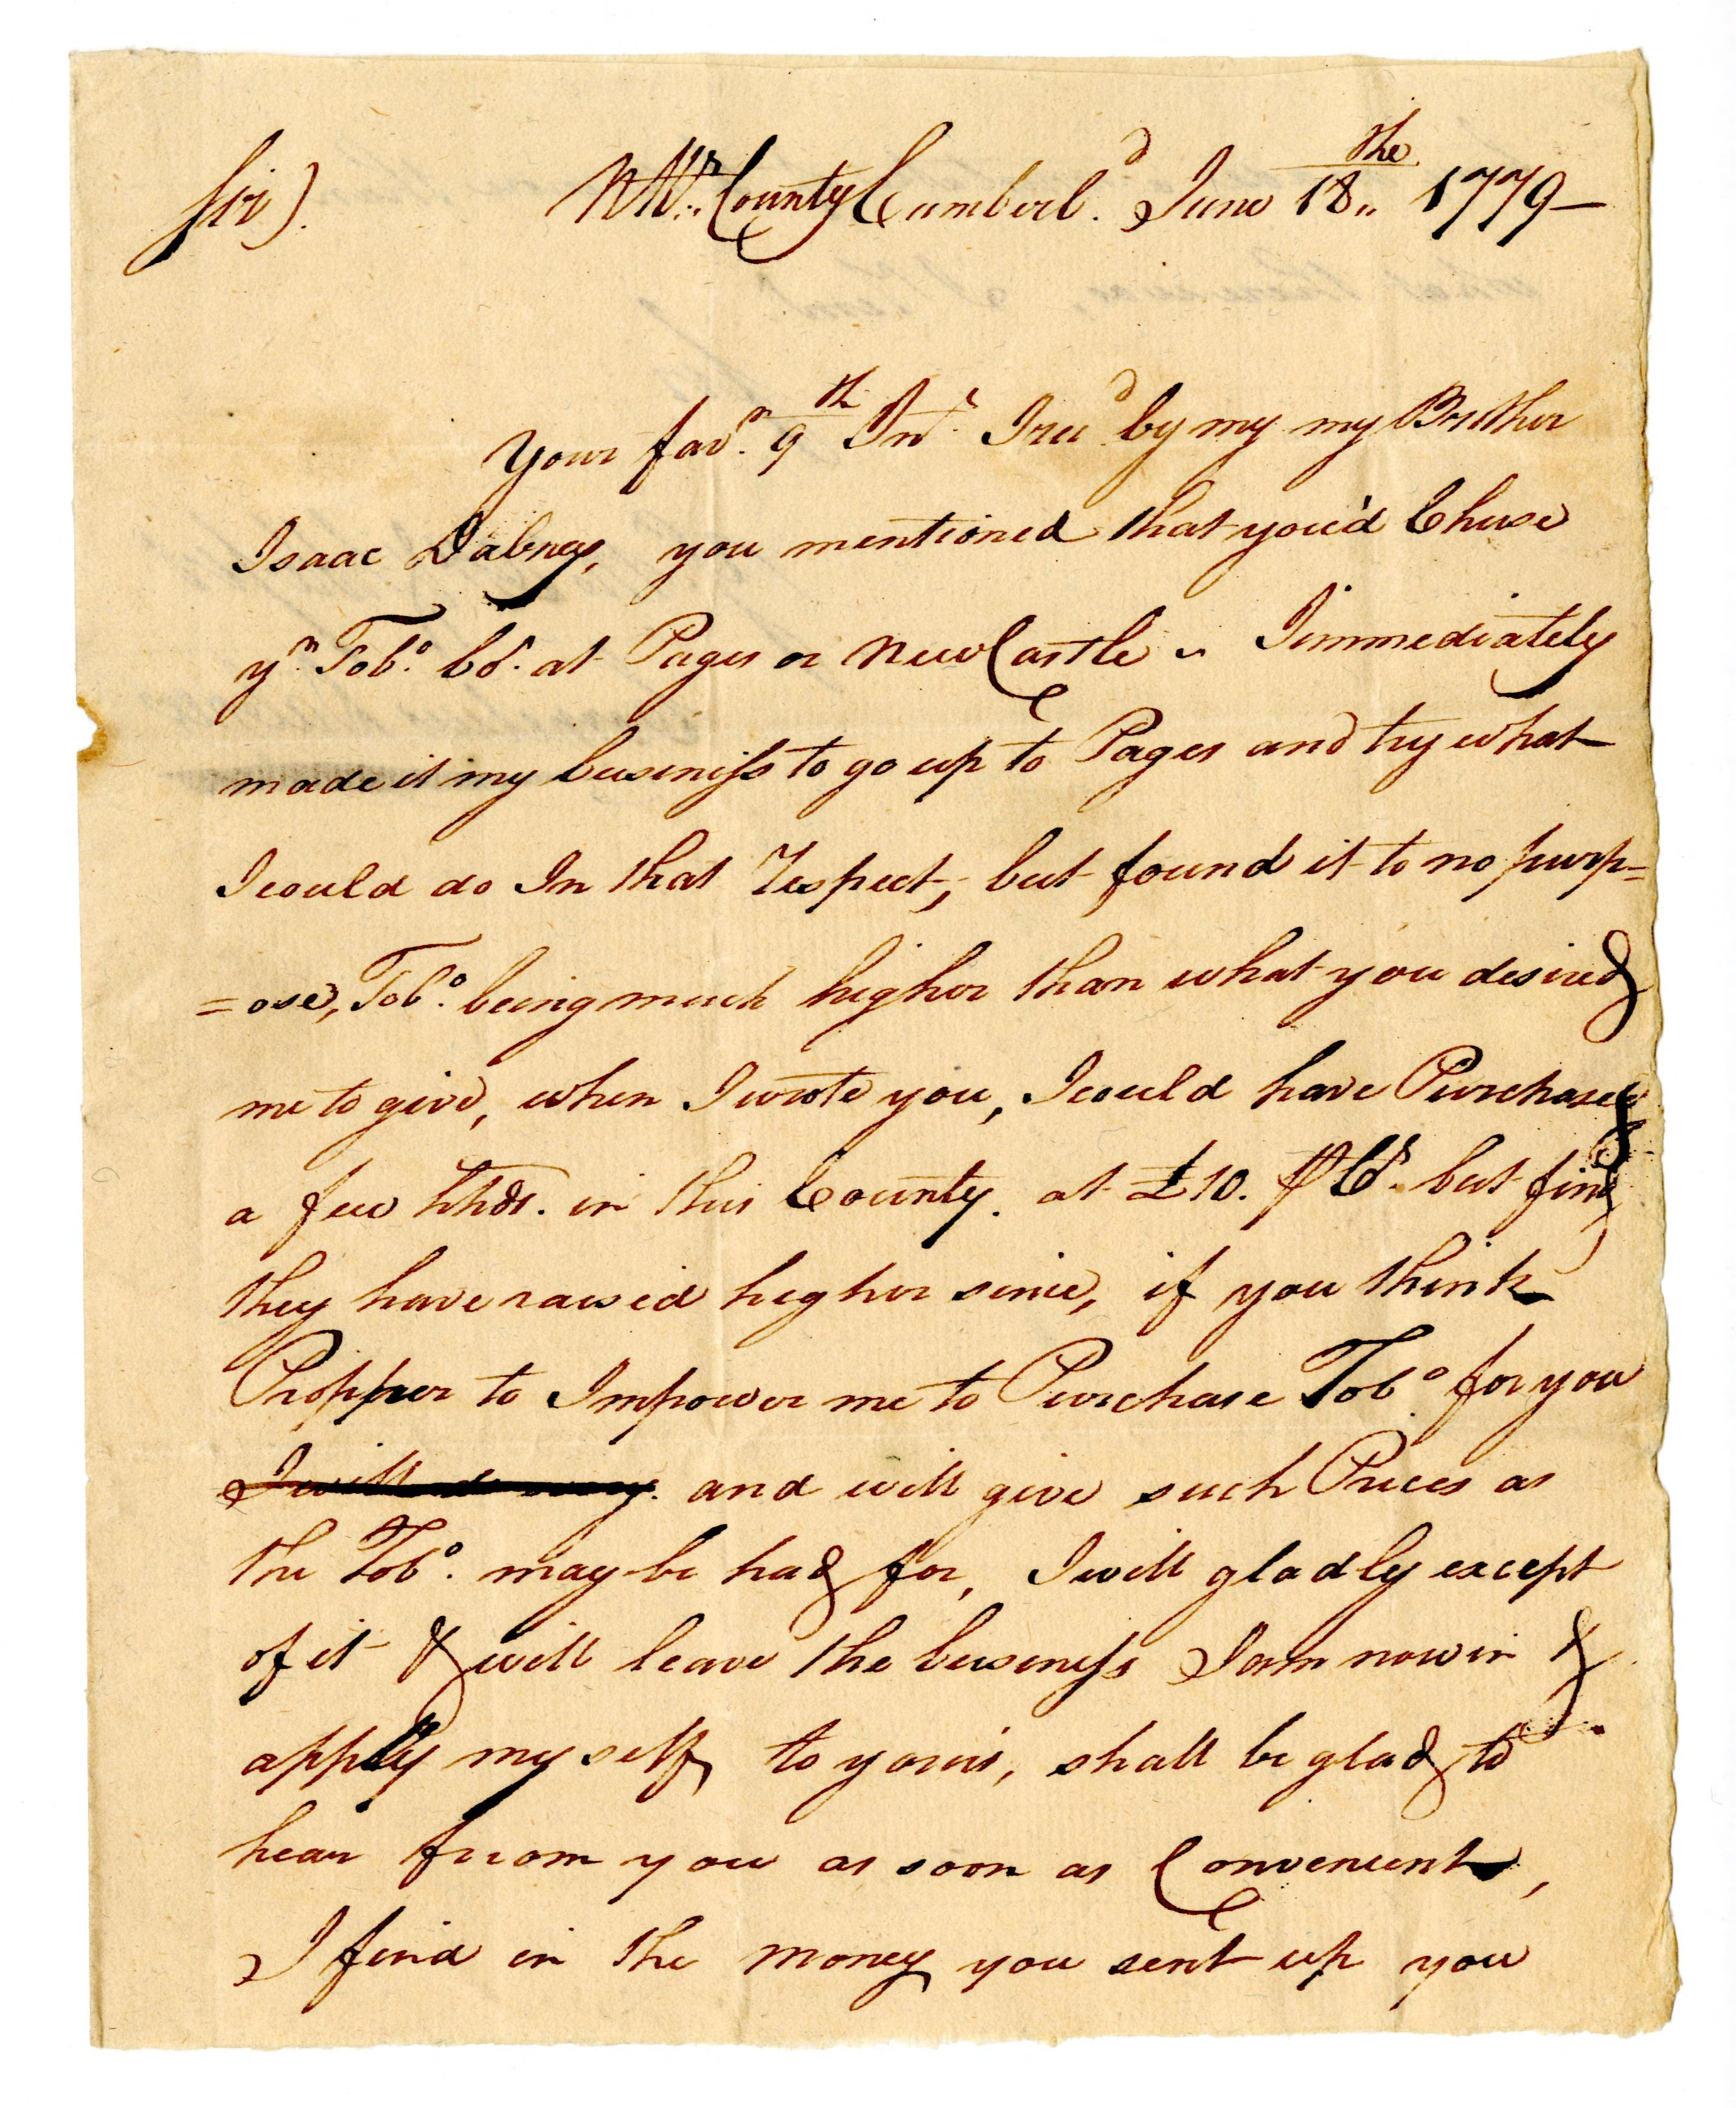Sir).
NW. County Cumberl^d June 18^th. 1779-
Your fav^r. 9^th. In^t. I rec^d. by my my Brother
Isaac Dabney, you mentioned that you'd Chuse
y^r Tob^o Co. at Pages or new Castle. Immediately
made it my businiss to go up to Pages and try what
I could do In that respect, but found it to no purp-
-ose, Tob^o. being much higher than what you desired
me to give, when I wrote you, I could have Purchased
a few hhds. in this County at £10 per 6^s. but find
they have rawed higher since, if you think
Propper to Impower me to Purchase Tob^o for you
[I will ______] and will give such Prices as
the Tob^o. may be had for, I will gladly except
of it & will leave the business I am now in &
apply my self to yours, shall be glad to
hear from you as soon as Convenient,
I find in the money, you sent up you